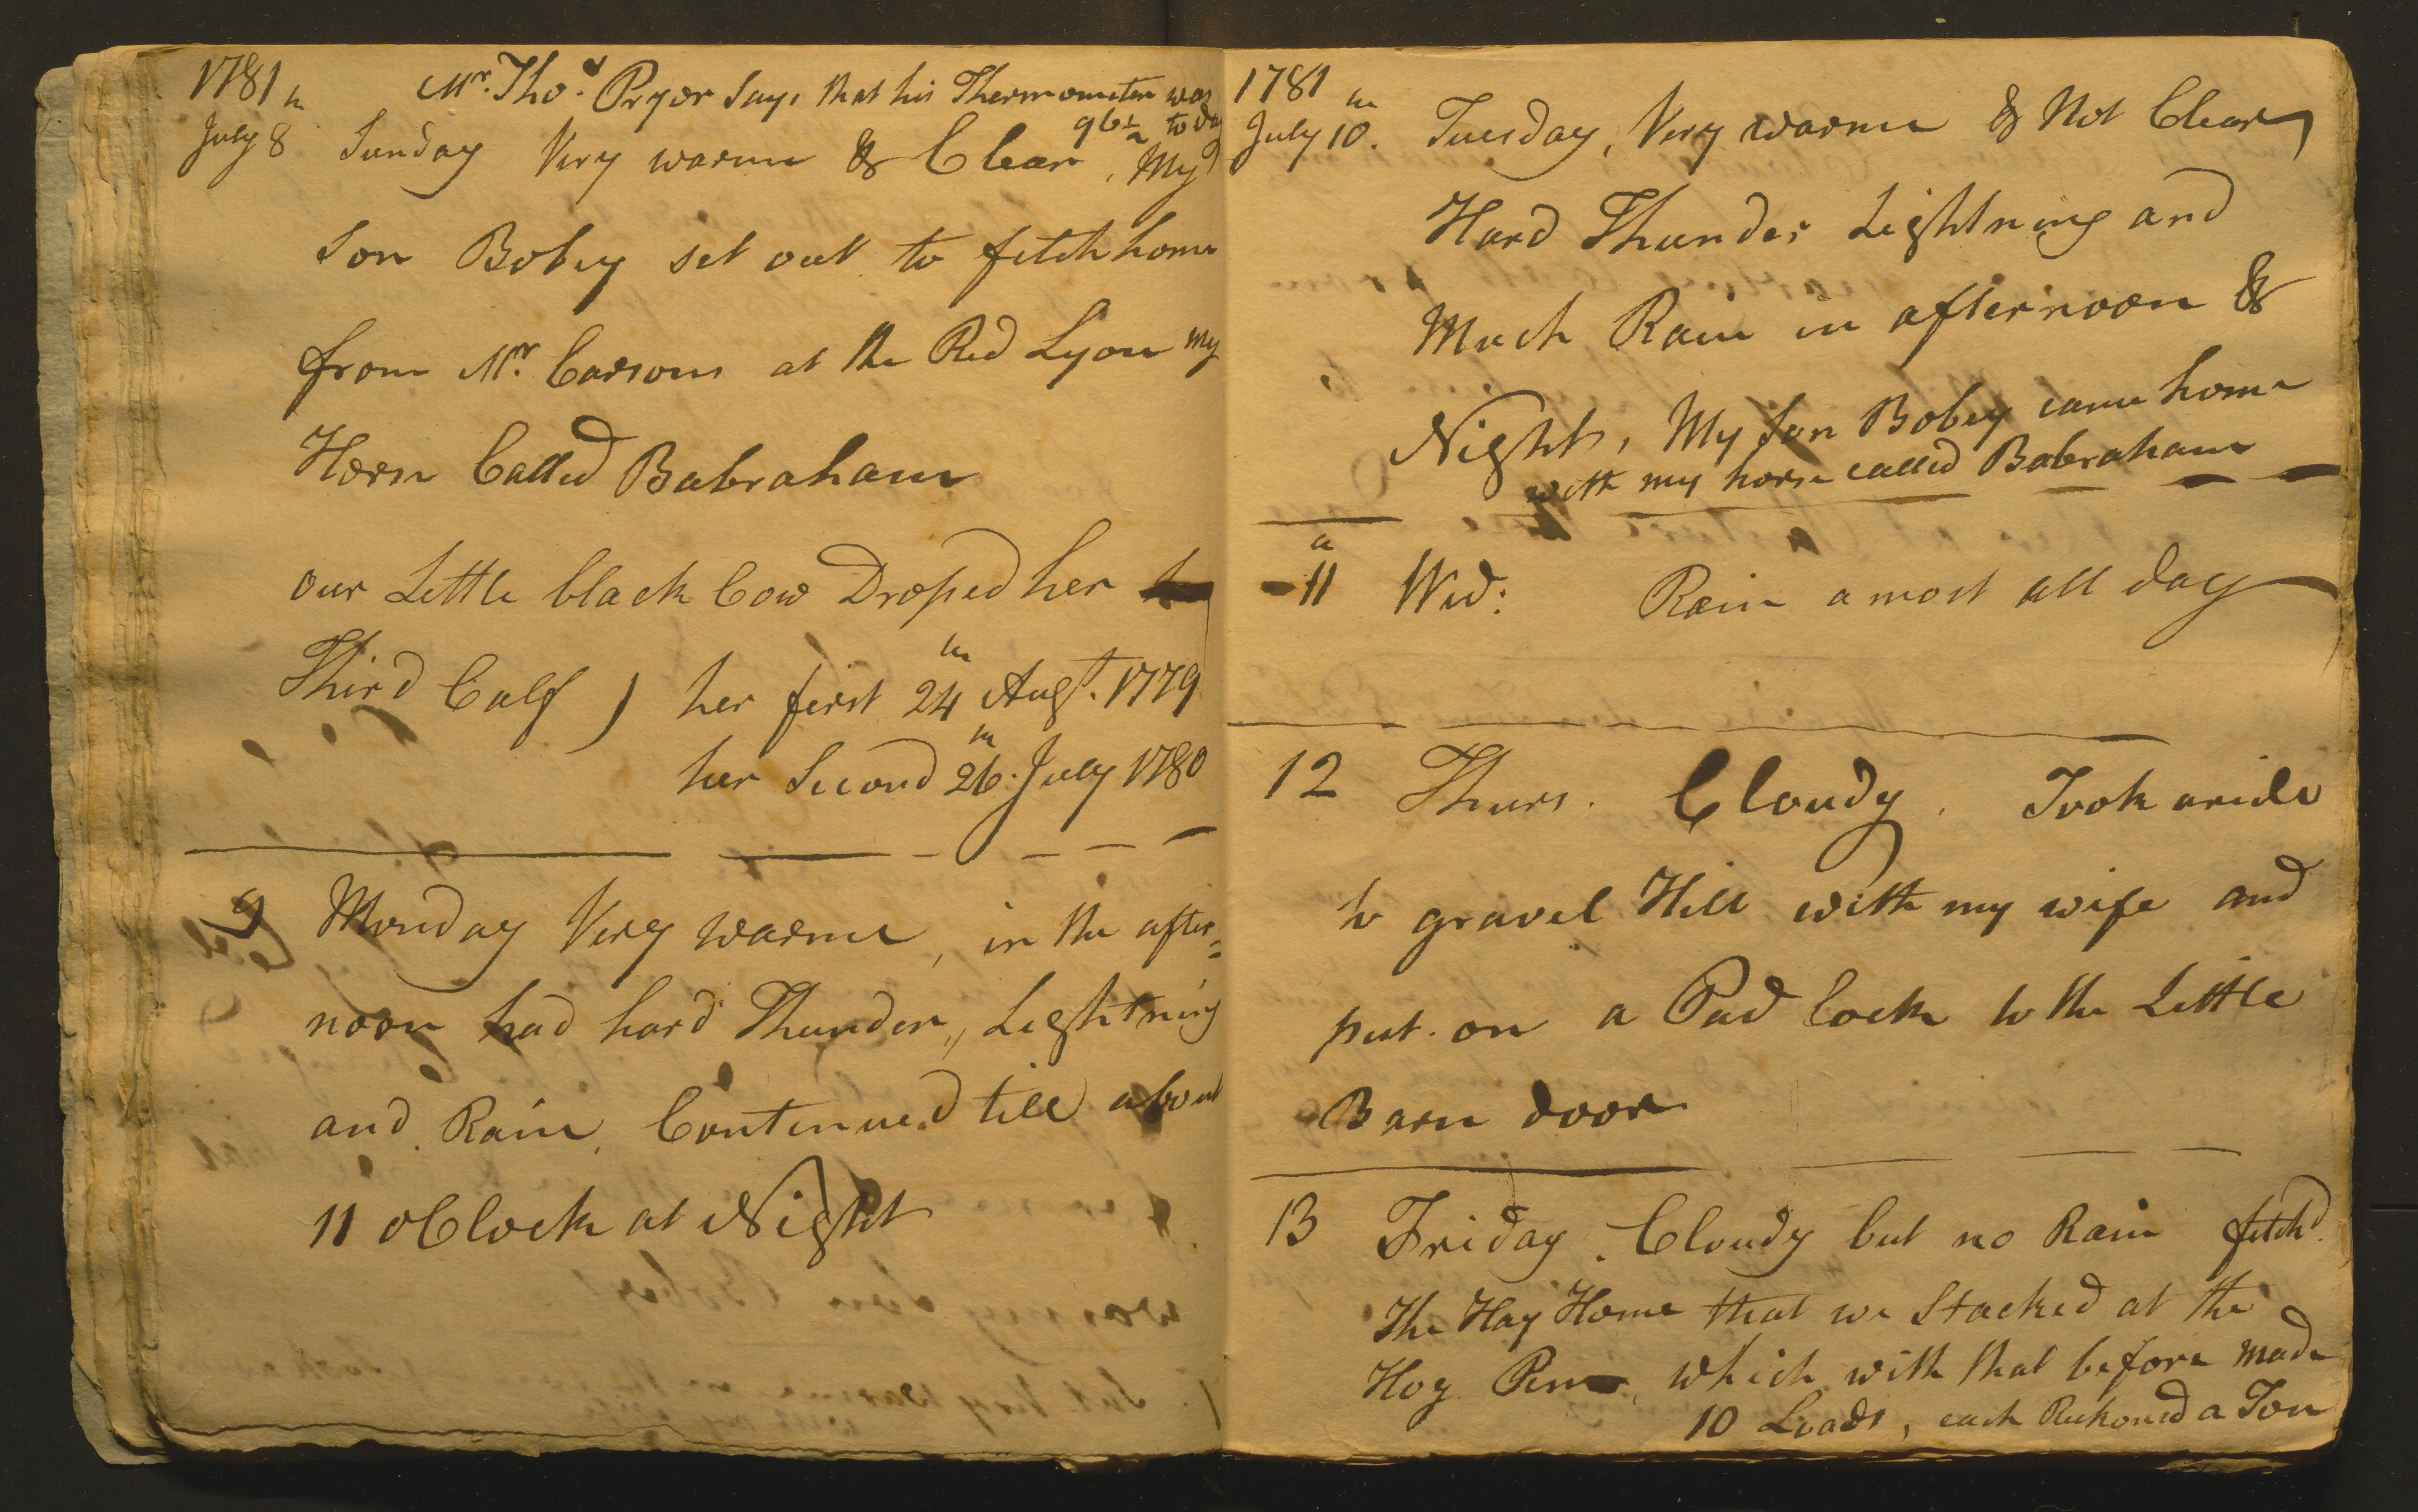1781
M^r. Tho^s. Pryor Says that his Thermometer was
96 1/2 today
July 8 Sunday Very warme & Clear, My
Son Bobey set out to fetch home
from M^r. Carsons at the Red Lyon My
Horm Called Babraham
our Little black Cow Droped her
Third Calf) her first 24^th Aug^t. 1779
her second 26th. July 1780
9 Monday Very warme, in the after-
noon had hard Thunder, Lightning
and Raine Continued till about
11 oClock at Night
1781
July 10^th. Tuesday, Very warme & Not Clear
Hard Thunder Lightning and
Much Rain in afternoon &
Night, My fon Bobey came home
with my horse called Babraham
11 Wed. Rain a most all day
12 Thurs. Cloudy. Took a ride
w gravel Hill with my wife and
pet. on a Padlock to the Little
Barn door
13 Friday, Cloudy but no Rain fetch^d.
The Hay Home that we Stacked at the
Hog Pen which with that before Made
10 Loads, each Reckoned a Ton